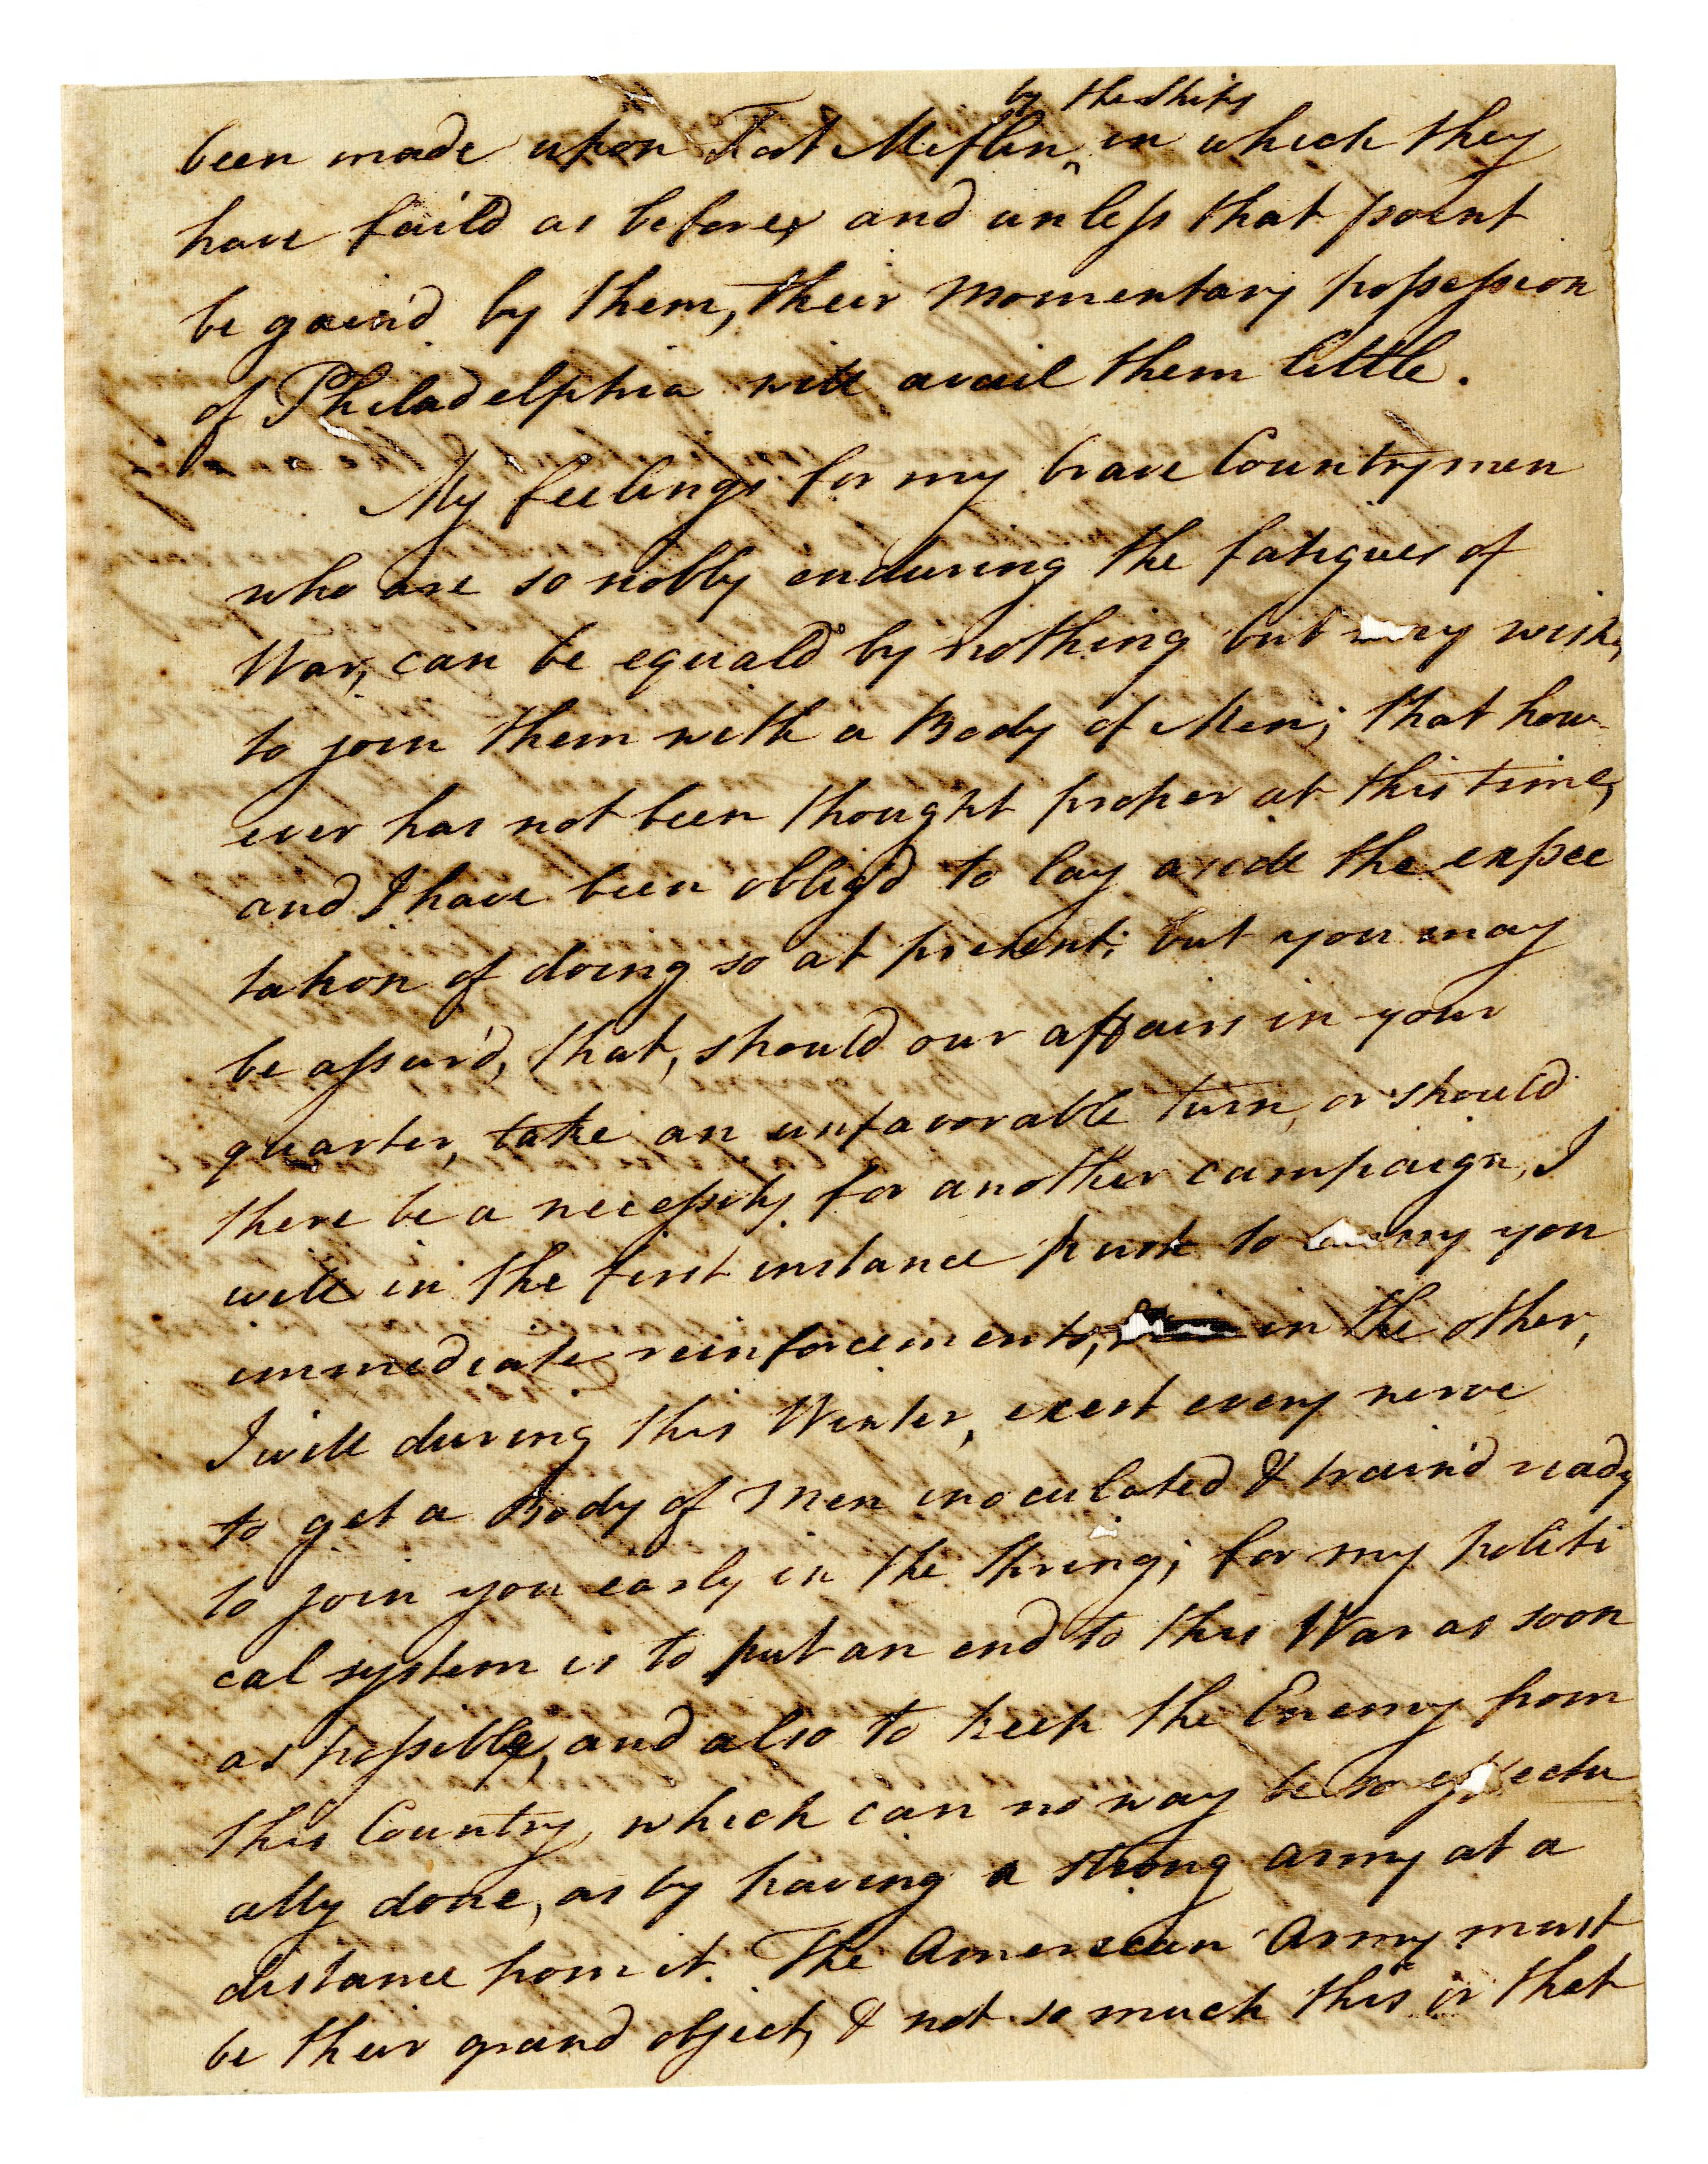by the ships
been made upon Fort Miflin ^ in which they
have fail'd as before, and unless that point
be gain'd by them, their momentary possession
of Philadelphia will avail them little.
My feelings for my brave Countrymen
who are so nobly enduring the fatigues of
War, can be equald by nothing but my wishes
to join them with a Body of Men; that how
ever has not been thought proper at this time,
and I have been oblig'd to lay aside the expec
tation of doing so at present; but you may
be assur'd, that, should our affairs in your
quarter, take an unfavourable turn, or should
there be a necessity for another campaign, I
will in the first instance push to carry you
immediate reinforcements, [___] in the other;
I will during this Winter, exert every nerve
to get a Body of Men inoculated & train'd ready
to join you early in the Spring; for my politi
cal system is to put an end to this War as soon
as possible, and also to keep the Enemy from
this Country, which can no way be so effectu
ally done, as by having a strong army at a
distance from it. The American Army must
be their grand object, & not so much this in that